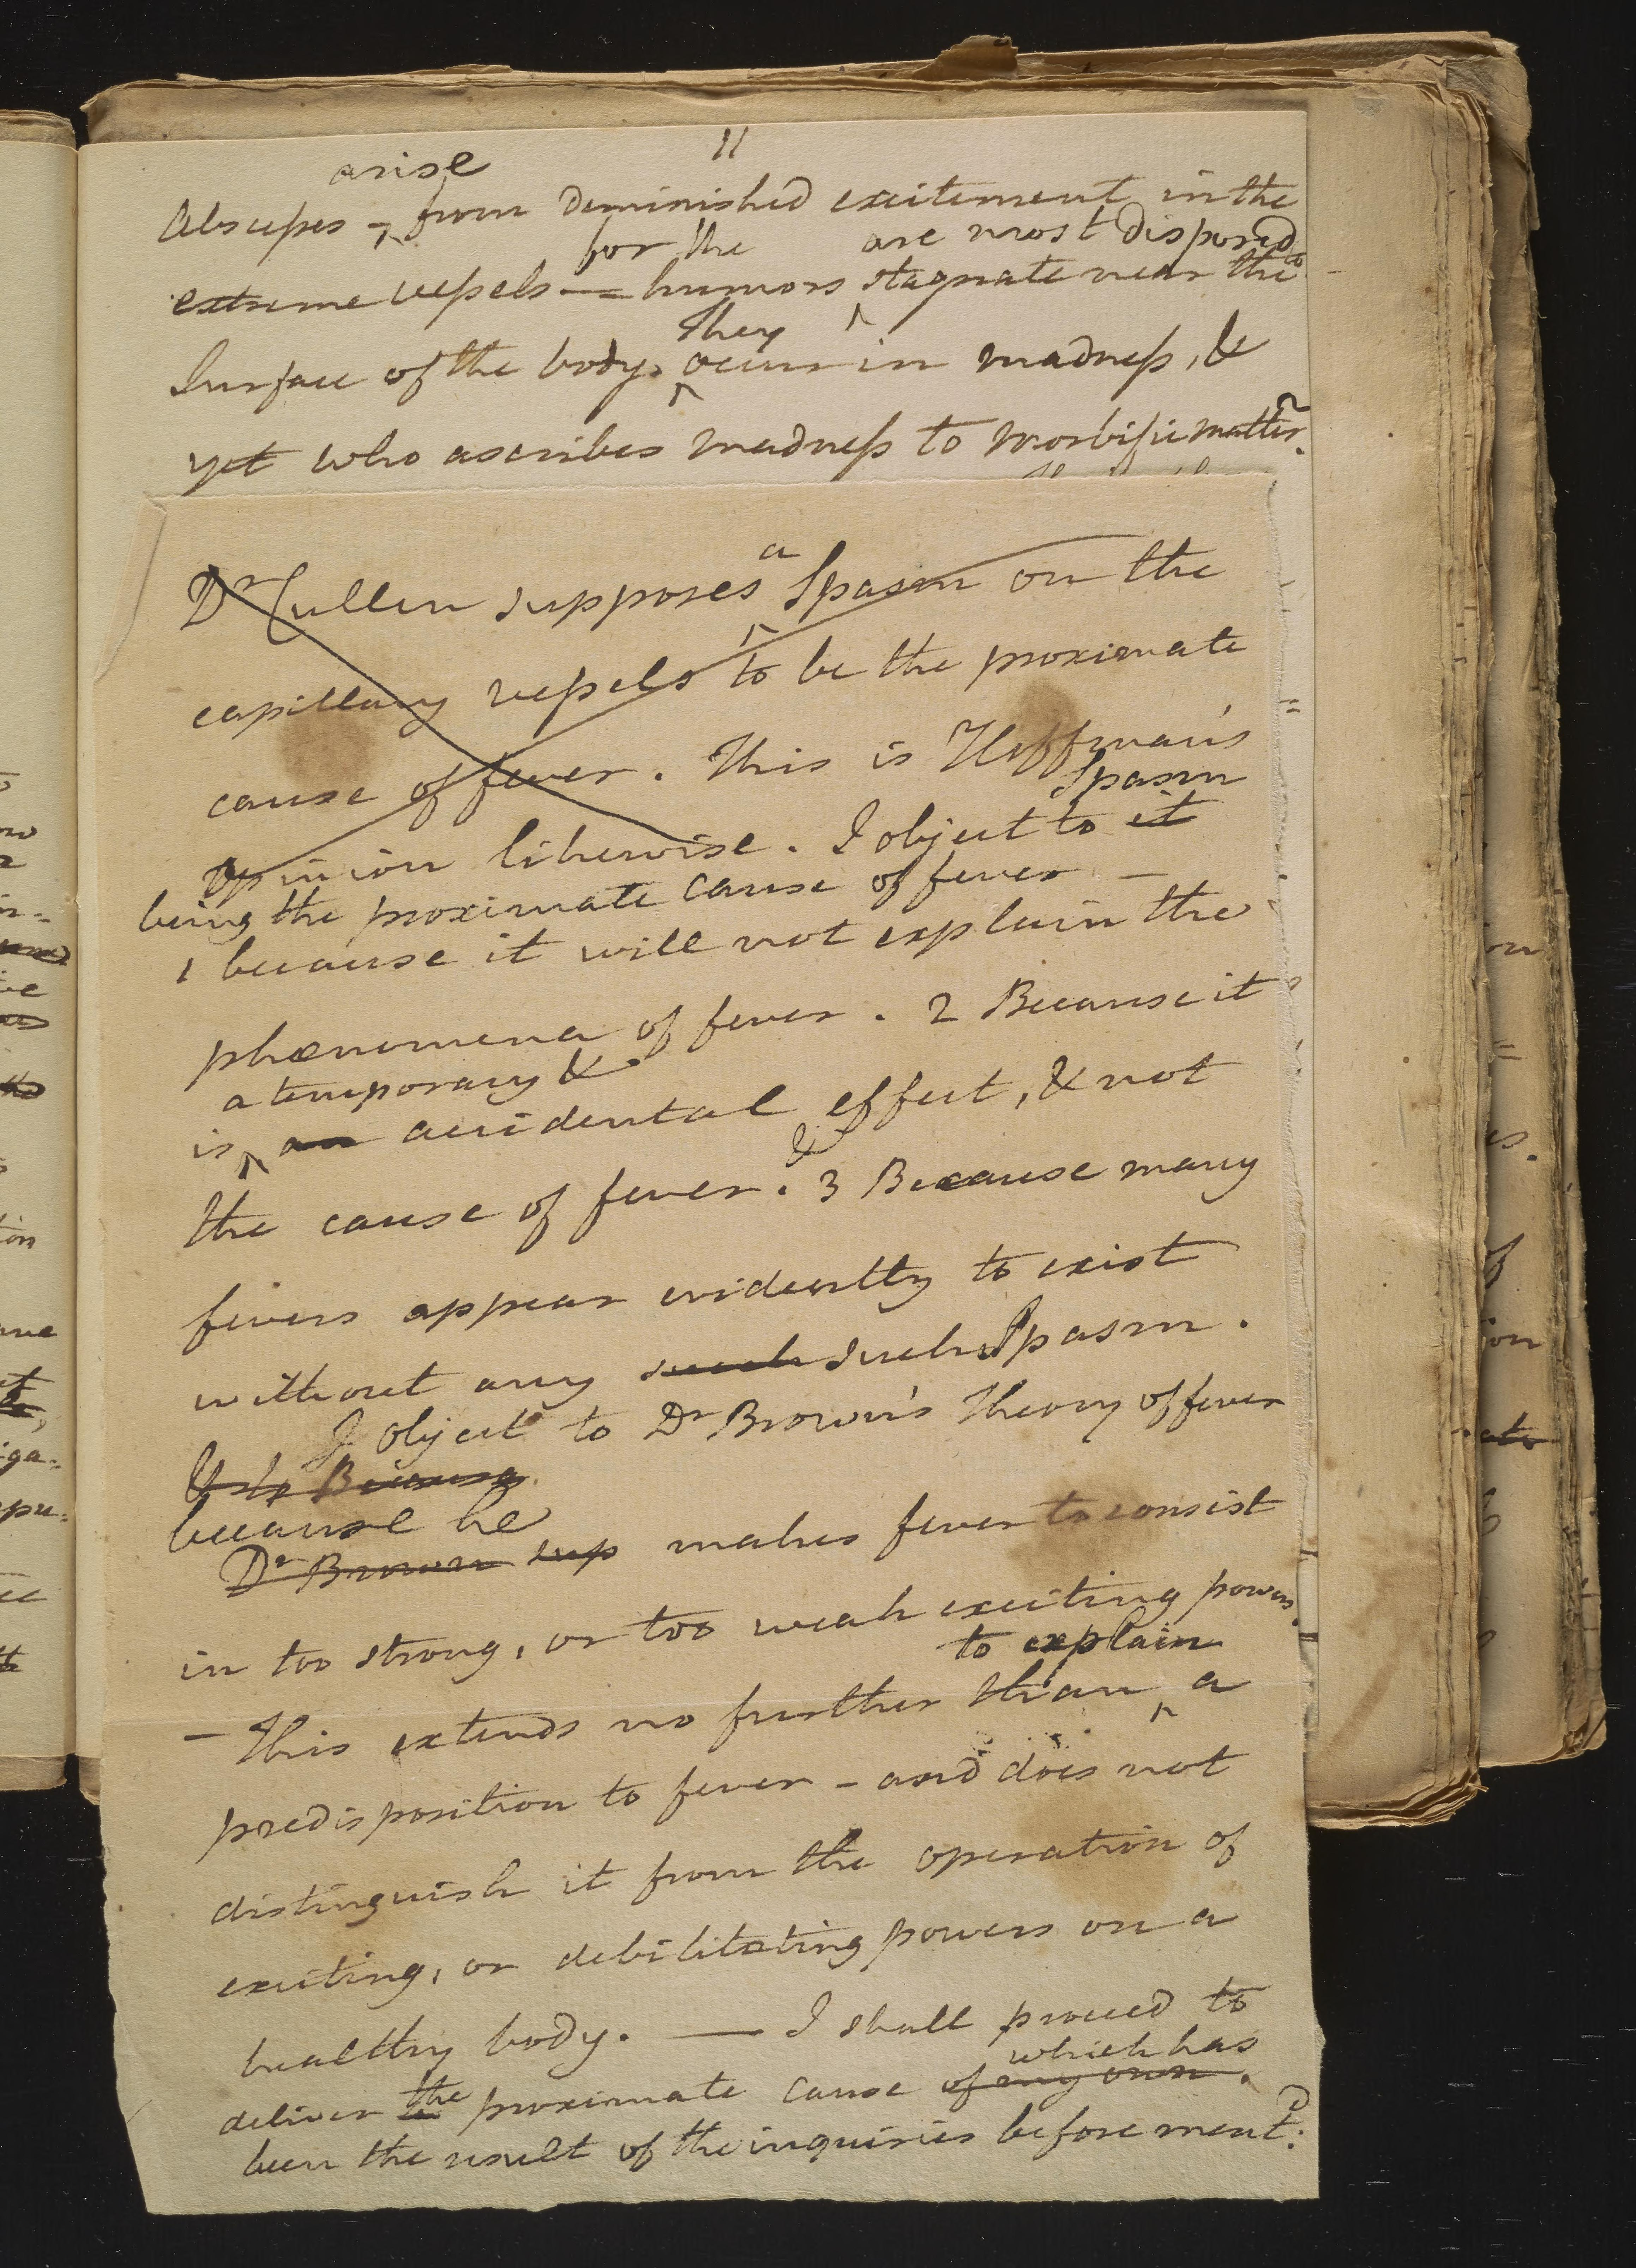11
arise
Abscesses ^ from diminished excitement in the
for the
are most disposed to
extreme vessels- humors ^ stagnate near the
They
surface of the body. ^ occur in madness, &
yet who ascribes madness to morbific matter?
D^r Cullen supposes ^a Spasm on the
capillary vessels to be the proximate
cause of fever. This is Hoffman's
Opinion likewise. I object to it ^spasm
being the proximate cause of fever
1 because it will not explain the
phenomena of fever. 2 Because it
a temporary &
is ^ accidental effect, & not
the cause of fever. 3 Because many
fevers appear evidently to exist
without any such spasm
I object to D^r Brown's theory of fever
because he
[D^r Brown ____] because he makes fever to consist
in too strong, or too weak exciting powers
to explain
This extends no further than ^ a
predisposition to fever, and does not
distinguish it from the operation of
exciting, or debilitating powers on a
healthy body. I shall proceed to
which has
deliver the proximate cause [of my own]
been the subject of the inquiries before ment^d